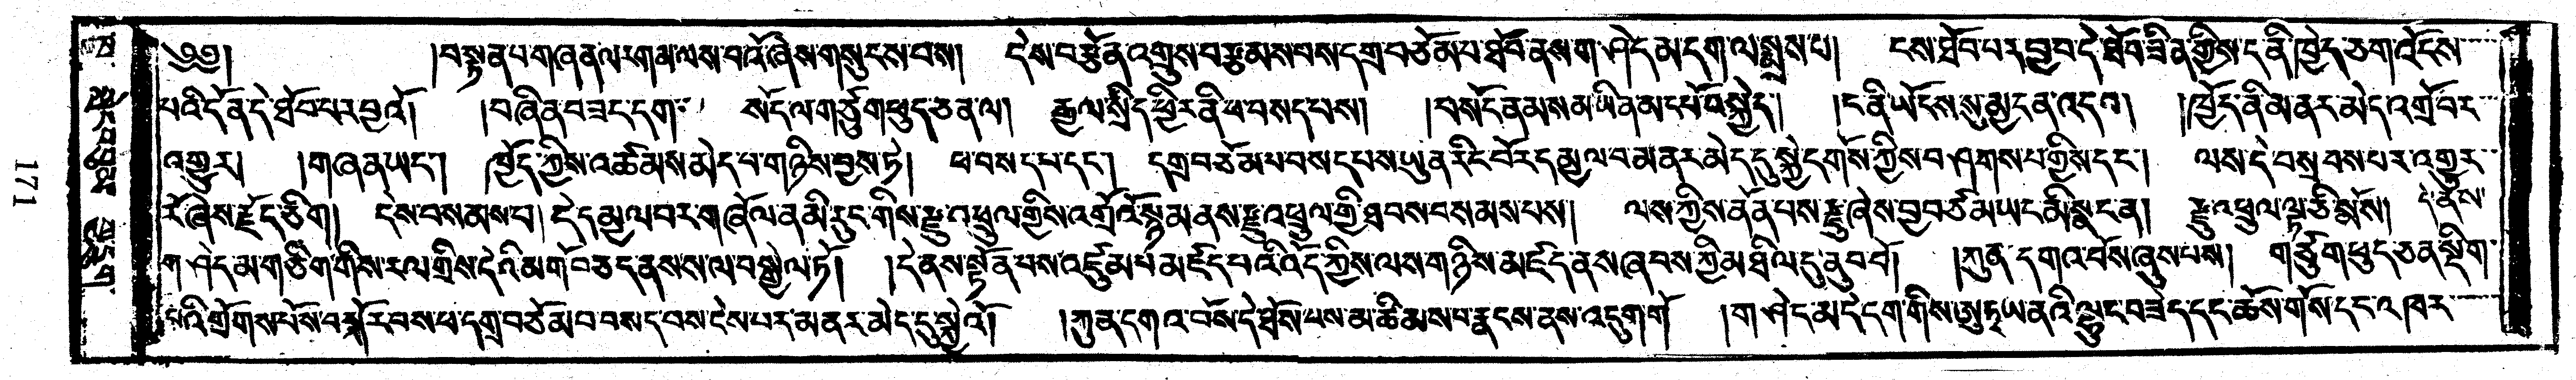༄༅། །བསྟན་པ་གཞན་ལ་རག་མ་ལས་བ་འོ་ཞེས་གསུངས་བས། དེས་བརྩོན་འགྲུས་བརྩམས་བས་དགྲ་བཅོམ་པ་ཐོབ་ནས་གཤེད་མ་དག་ལ་སྨྲས་པ། ངས་ཐོབ་པར་བྱབ་དེ་ཐོབ་ཟིན་གྱིས་ད་ནི་ཁྱེད་ཅག་འོངས་
པའི་དོན་དེ་ཐོབ་པར་བྱའོ། །བཞིན་བཟང་དག༑ སོད་ལ་གཙུག་ཕུད་ཅན་ལ། རྒྱལ་སྲིད་ཕྱིར་ནི་ཕ་བསད་པས། །བསོད་ནམས་མ་ཡིན་མང་པོ་བསྐྱེད། །ང་ནི་ཡོངས་སུ་མྱ་ངན་འདའ། །ཁྱོད་ནི་མནར་མེད་འགྲོ་བར་
འགྱུར། །གཞན་ཡང་། ཁྱོད་ཀྱིས་འཚམས་མེད་པ་གཉིས་བྱས་ཏེ། ཕ་བསད་པ་དང་། དགྲ་བཅོམ་པ་བས་དཔས་ཡུན་རིང་བོར་དམྱལ་བ་མནར་མེད་དུ་སྐྱེ་དགོས་ཀྱིས་བཤགས་པ་གྱིས་དང་། ལས་དེ་བསྲབས་པར་འགྱུར་
རོ་ཞེས་རྗོད་ཅིག། ངེས་བསམས་པ། དེ་དམྱལ་བར་གཞོལ་ན་མི་རུང་གིས་རྫུ་འཕྲུལ་གྱིས་འགྲོའོ་སྙམ་ནས་རྫུ་འཕྲུལ་གྱི་ཐབས་བསམས་པས། ལས་ཀྱིས་ནོན་པས་རྫུ་ཞེས་བྱབ་ཙམ་ཡང་མི་སྣང་ན། རྫུ་འཕྲུལ་ལྟ་ཅི་སྨོས། དེ་ནས་
གཤེད་མ་གཅིག་གིས་རལ་གྲིས་དེའི་མགོ་བཅད་ནས་ས་ལ་བསྒྱེལ་ཏོ། །དེ་ནས་སྟོན་པས་འཛུམ་པ་མཛད་པའི་འོད་ཀྱིས་ལས་གཉིས་མཛད་ནས་ཞབས་ཀྱི་མཐིལ་དུ་ནུབ་བོ། །ཀུན་དགའ་བོས་ཞུས་པས། གཙུག་ཕུད་ཅན་སྡིག་
བའི་གྲོགས་པོས་བསྐོར་བས་ཕ་དགྲ་བཅོམ་བ་བསད་བས་ངེས་པར་མནར་མེད་དུ་སྐྱེའོ། །ཀུན་དགའ་བོས་དེ་ཐོས་པས་མ་ཚིམས་པ་རྣངས་ནས་འདུག་གོ །གཤེད་མེད་དག་གིས་ཨུཏྲ་ཡ་ནའི་ལྷུང་བཟེད་དང་ཆོས་གོས་དང་འཁར་